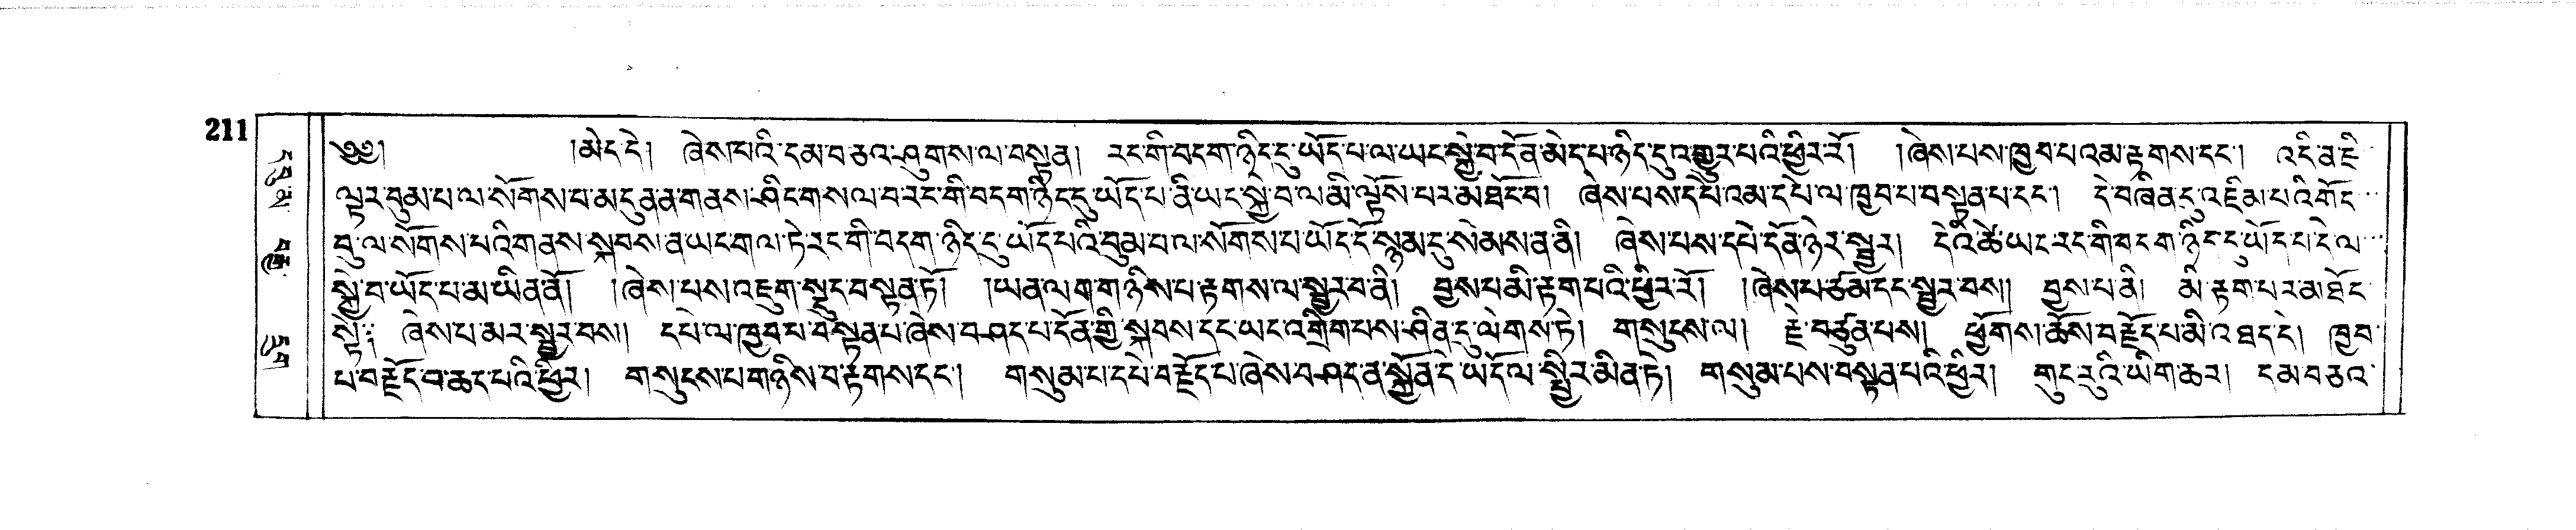༄༅། །མེད་དེ། ཞེས་པའི་དམ་བཅའ་ཤུགས་ལ་བསྟན། རང་གི་བདག་ཉིད་དུ་ཡོད་པ་ལ་ཡང་སྐྱེ་བ་དོན་མེད་པ་ཉིད་དུ་འགྱུར་པའི་ཕྱིར་རོ། །ཞེས་པས་ཁྱབ་པའམ་རྟགས་དང་། འདི་ན་ཇི་
ལྟར་བུམ་པ་ལ་སོགས་པ་མདུན་ན་གནས་ཤིང་གསལ་བ་རང་གི་བདག་ཉིད་དུ་ཡོད་པ་ནི་ཡང་སྐྱེ་བ་ལ་མི་ལྟོས་པར་མཐོང་བ། ཞེས་པས་དཔེ་འམ་དཔེ་ལ་ཁྱབ་པ་བསྟན་པ་དང་། དེ་བཞིན་དུ་འཇིམ་པའི་གོང་
བུ་ལ་སོགས་པའི་གནས་སྐབས་ན་ཡང་གལ་ཏེ་རང་གི་བདག་ཉིད་དུ་ཡོད་པའི་བུམ་པ་ལ་སོགས་པ་ཡོད་དོ་སྙམ་དུ་སེམས་ན་ནི། ཞེས་པས་དཔེ་དོན་ཉེར་སྦྱར། དེའི་ཚེ་ཡང་རང་གི་བདག་ཉིད་དུ་ཡོད་པ་དེ་ལ་
སྐྱེ་བ་ཡོད་པ་མ་ཡིན་ནོ། །ཞེས་པས་འཇུག་སྡུད་བསྟན་ཏོ། །ཡན་ལག་གཉིས་པ་རྟགས་ལ་སྦྱར་བ་ནི། བྱས་པ་མི་རྟག་པའི་ཕྱིར་རོ། །ཞེས་པ་ཙམ་དང་སྦྱར་བས། བྱས་པ་ནི། མི་རྟག་པར་མཐོང་
སྟེ། ཞེས་པ་མར་སྦྱར་བས། དཔེ་ལ་ཁྱབ་པ་བསྟན་པ་ཞེས་བཤད་པ་དོན་གྱི་སྐབས་དང་ཡང་འགྲིག་པས་ཤིན་དུ་ལེགས་ཏེ། གསུངས་ལ། རྗེ་བཙུན་པས། ཕྱོགས་ཆོས་བརྗོད་པ་མི་འཐད་དེ། ཁྱབ་
པ་བརྗོད་བ་ཆད་པའི་ཕྱིར། གསུངས་པ་གཉིས་བ་རྟགས་དང་། གསུམ་པ་དཔེ་བརྗོད་པ་ཞེས་བཤད་ན་སྐྱོན་དེ་ཡོད་ལ་སྤྱིར་མིན་ཏེ། གསུམ་པས་བསྟན་པའི་ཕྱིར། གུང་རུའི་ཡིག་ཆར། དམ་བཅའ་